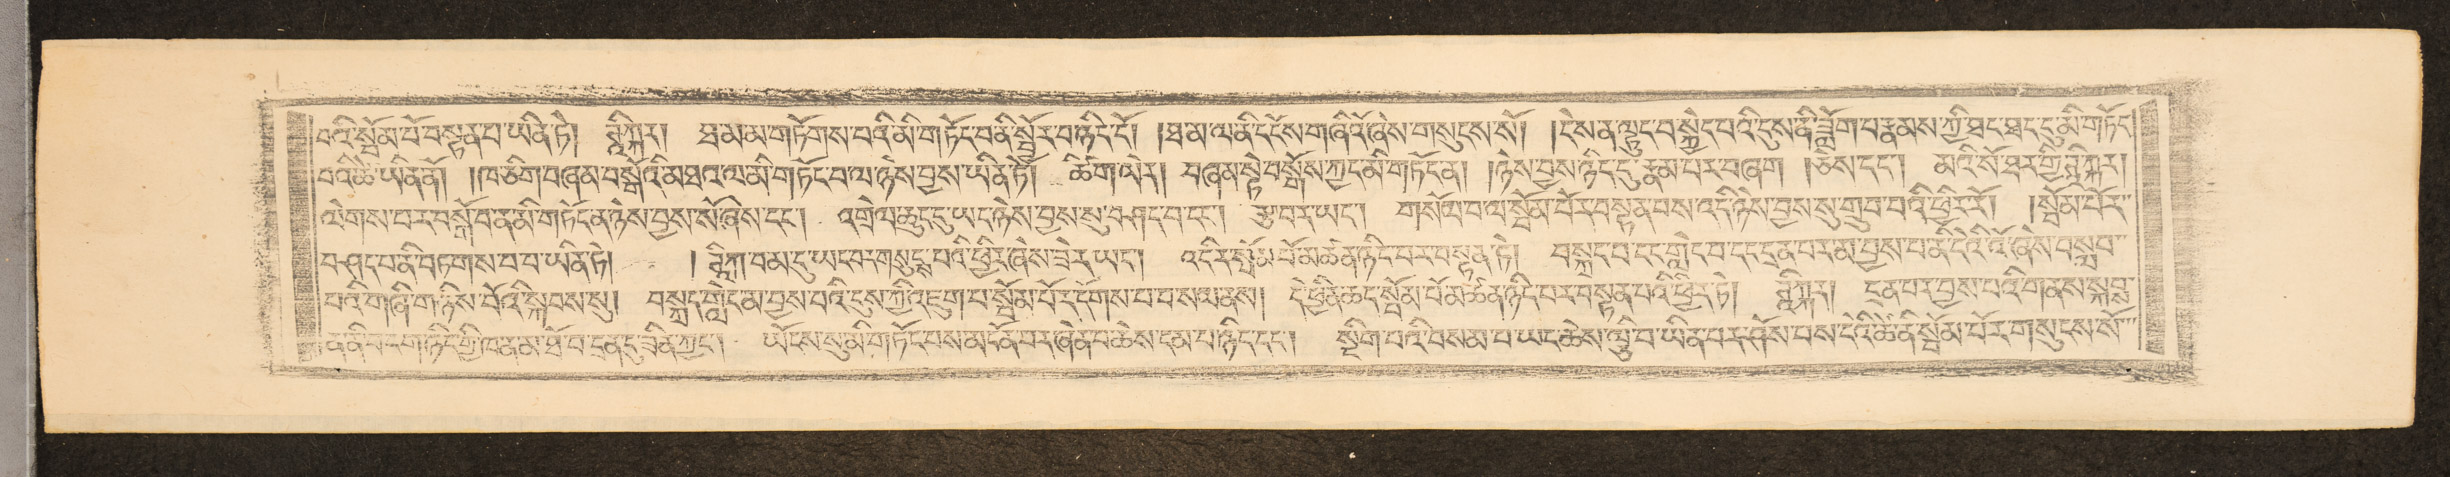བའི་སྦོམ་པོ་བསྟན་པ་ཡིན་ཏེ། ཊཱིཀྐར། ཐ་མ་མ་གཏོགས་པའི་མི་གཏོང་བ་ནི་སྦྱོར་བ་ཉིད་དོ། །ཐ་མ་ལ་ནི་དངོས་གཞིའོ་ཞེས་གསུངས་སོ། །དེས་ན་ལྟུང་བ་སྐྱེད་པའི་དུས་ནི་ཟློག་པ་རྣམས་ཀྱི་ཐད་ཐད་དུ་མི་གཏོང་
བའི་ཚེ་ཡིན་ནོ། །ཁ་ཅིག་བཞམ་བསྒོའི་མཐའ་ལ་མི་གཏོང་བ་ལ་ཉེས་བྱས་ཡིན་ཏོ། ཚིག་ལེར། བཞམ་སྟེ་བསྒོས་ཀྱང་མི་གཏོང་ན། །ཉེས་བྱས་ཉིད་དུ་རྣམ་པར་བཞག །ཅེས་དང་། མའི་སོ་ཐར་གྱི་ཊཱིཀྐར།
ལེགས་པར་བསྒོ་བ་ན་མི་གཏོང་ན་ཉེས་བྱས་སོ་ཞེས་དང་། འགྲེལ་ཆུད་དུ་ཡང་ཉེས་བྱས་སུ་བཤད་པ་དང་། རྩ་བར་ཡང་། གསོལ་བ་ལ་སྦོམ་པོར་བསྟན་པས་འདི་ཉས་བྱས་སུ་གྲུབ་པའི་ཕྱིར་རོ། །སྦོམ་པོར་
བཤད་པ་ནི་བཏགས་པ་བ་ཡིན་ཏེ། །ཊཱི་ཀ་བ་མ་དུ་ཡང་བར་གསུངས་པའི་ཕྱིར་ཞེས་ཟེར་ཡང་། འདིར་སྤོམ་པོ་མཚན་ཉིད་པར་བསྟན་ཏེ། བསྐྲད་པ་དང་གླེང་པ་དང་དྲན་པར་མ་བྱས་པ་ནི་དེའི་འོ་ཞེས་བསླབ་
པའི་གཞི་གཉིས་པའི་སྐབས་སུ། བསྐྲད་གླེང་མ་བྱས་པའི་དུས་ཀྱི་འཇུག་པ་སྦོམ་པོར་དོགས་པ་བསལ་ནས། དེ་ཕྱིན་ཆད་སྦོམ་པོ་མཚན་ཉིད་པར་བསྟན་པའི་ཕྱིར་ཏེ། ཊཱིཀྐར། དྲན་པར་བྱས་པའི་གནས་སྐབས་
ན་ནི་བདག་ཉིད་ཀྱི་ཁ་ན་མ་ཐོ་བ་དྲན་དུ་ཟིན་ཀྱང་། ཡོངས་སུ་མི་གཏོང་རས་མངོན་བར་ཞེན་པ་ཆེས་དམ་པ་ཉིད་དང་། སྡིག་པའི་བསམ་པ་ཡང་ཆེས་ལྕི་བ་ཡིན་པར་ཤེས་པས་དེའི་ཚེ་ནི་སྦོམ་པོར་བགྶུངས་སོ་